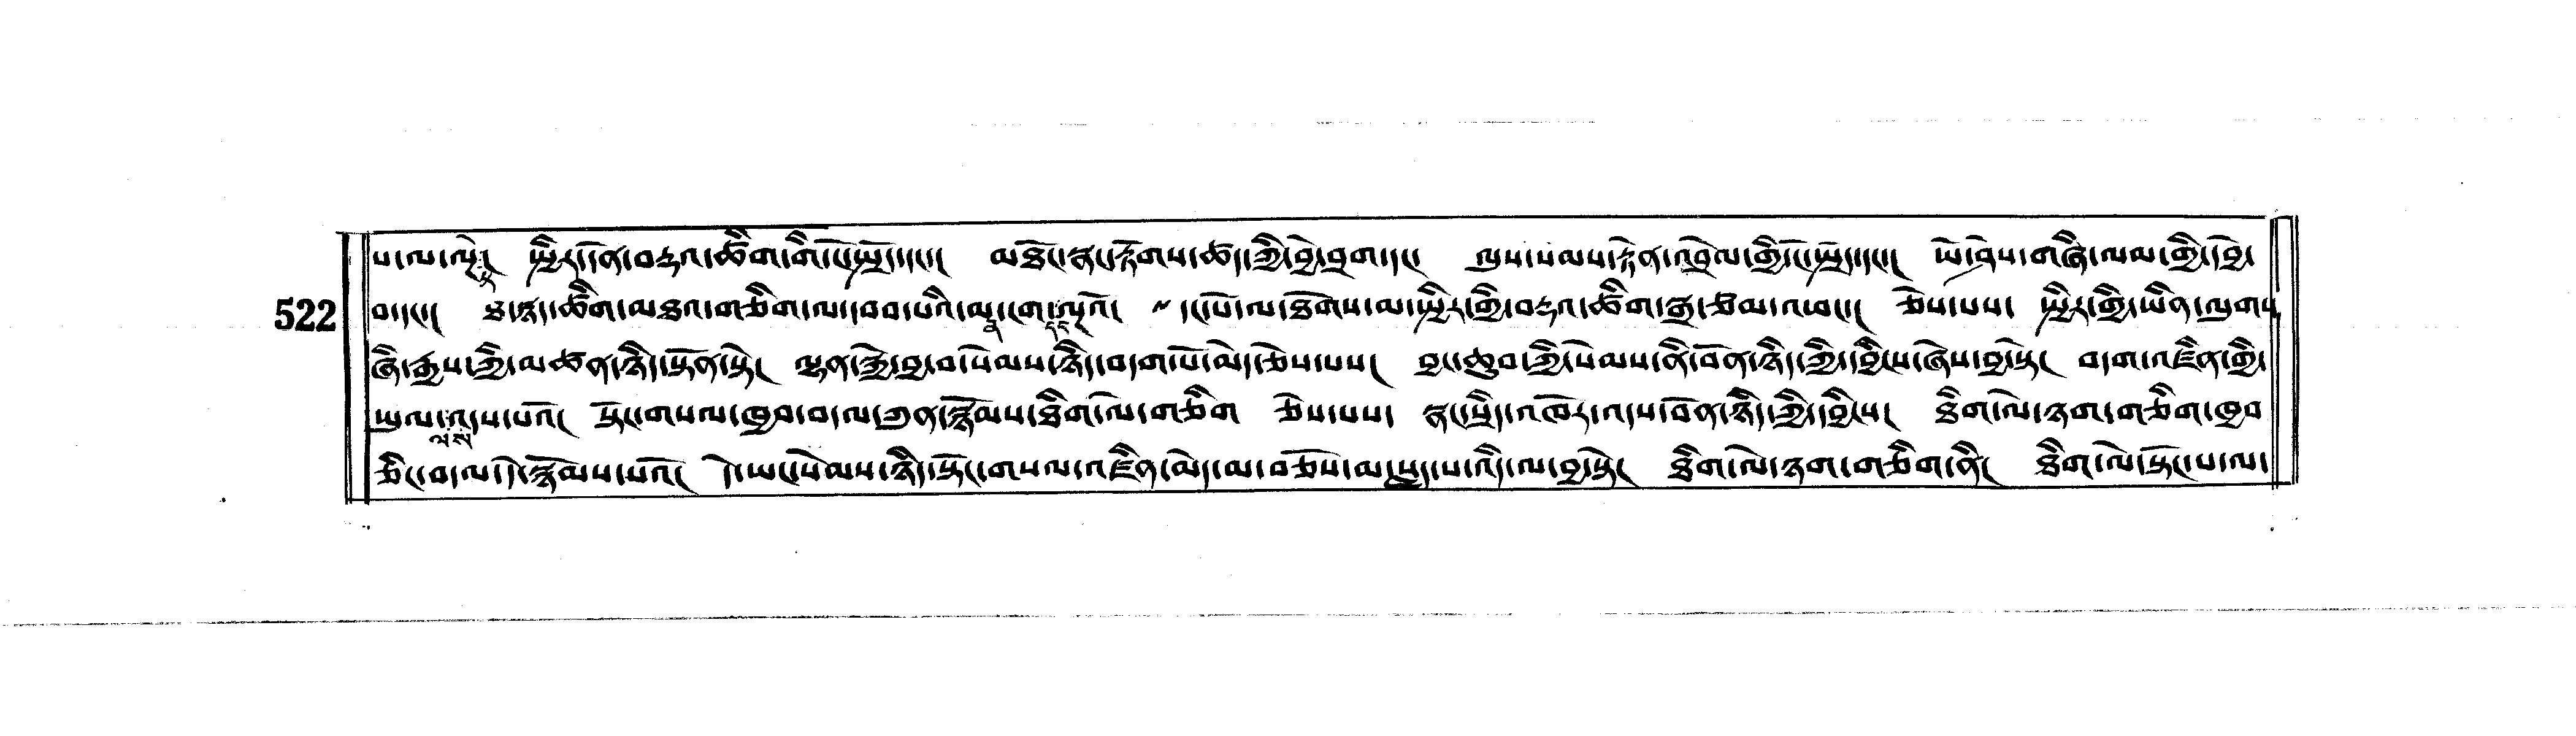པ་ལ་ལྔ་སྟེ། སྤྱིར་དོན་བརྡ་ཚིག་གི་ངོ་སྤྲོད་དང་། མཐོང་སྣང་རྟོགས་ཚད་ཀྱི་བྱེ་བྲག་དང་། ལུས་སེམས་རྟེན་འབྲེལ་གྱི་ངོ་སྤྲོད་དང་། ཡེ་ཤེས་བཞི་ལམ་གྱི་དབྱེ་
བ་དང་། ཐ་སྙད་ཚིག་མཐའ་གཅིག་ལ་དབབ་པའི་མན་ངག་དང་ལྔའོ། ༧ དང་པོ་ལ་ཐོག་མ་སྤྱིར་གྱི་བརྡ་ཚིག་སྒྲ་ཙམ་འཕང་། ཅེས་པས། སྤྱིར་གྱི་ཡིན་ལུགས་
ཞི་རྒྱས་ཀྱི་མཚན་ཉིད་སྟོན་ཏེ། ལྷན་སྐྱེས་བྱ་བ་སེམས་ཉིད་བདག་པོ་མེད་ཅེས་པས། བྱང་ཆུབ་ཀྱི་སེམས་ནི་བོན་ཉིད་ཀྱི་དབྱིངས་ཞེས་བྱ་སྟེ། བདག་འཛིན་གྱི་
ཡུལ་ལས་འདས་པའོ། སྟོང་གསལ་ཁྱབ་བདལ་ཀུན་སྙོམས་ཐིག་ལེ་གཅིག ཅེས་པས། སྣང་སྲིད་འཁོར་འདས་བོན་ཉིད་ཀྱི་དབྱིངས། ཐིག་ལེ་ཉག་ཅིག་ཁྱབ་
ཅིང་བདལ་དེ་སྙོམས་པའོ། དེ་ཡང་སེམས་ཉིད་སྟོང་གསལ་འཛིན་མེད་མ་བཅོས་མ་བསླད་པ་འདི་ལ་བྱ་སྟེ། ཐིག་ལེ་ཉག་གཅིག་ནི། ཐིག་ལེ་སྟོང་པ་ལ་